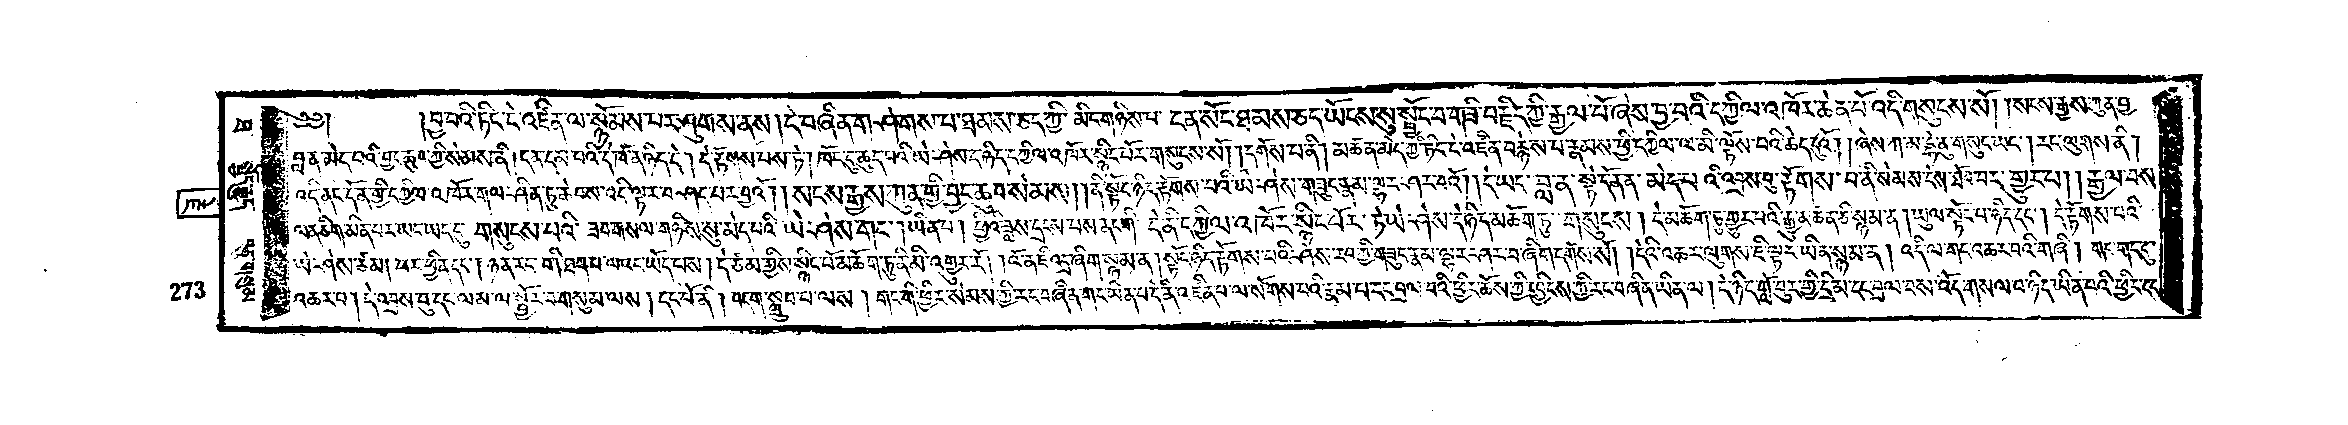༄༅། །བྱ་བའི་ཏིང་ངེ་འཛིན་ལ་སྙོམས་པར་ཞུགས་ནས། དེ་བཞིན་གཤེགས་པ་ཐམས་ཅད་ཀྱི་མིང་གཉིས་པ་ངན་སོང་ཐམས་ཅད་ཡོངས་སུ་སྦྱོང་བ་གཟི་བརྗིད་ཀྱི་རྒྱལ་པོ་ཞེས་བྱ་བའི་དཀྱིལ་འཁོར་ཆེན་པོ་འདི་གསུངས་སོ། །སངས་རྒྱས་ཀུན་གྱི་
བླ་ན་མེད་པའི་བྱང་ཆུབ་ཀྱི་སེམས་ནི། དོན་དམ་པའི་དེ་ཁོ་ན་ཉིད་དེ། དེ་རྟོགས་པས་དེ། ཁོང་དུ་ཆུད་པའི་ཡེ་ཤེས་དེ་ཉིད་དཀྱིལ་འཁོར་སྙིང་པོར་གསུངས་སོ། །དགོས་པ་ནི། མཚན་མེད་ཀྱི་ཏིང་ངེ་འཛིན་བརྙེས་པ་རྣམས་ཕྱི་དཀྱིལ་ལ་མི་ལྟོས་པའི་ཆེད་དུའོ། །ཞེས་ཀ་མ་དྷ་ནུ་གསུང་ཡང་། རང་ལུགས་ནི།
འདི་ནང་དོན་གྱི་དཀྱིལ་འཁོར་གལ་ཤིན་ཏུ་ཆེ་བས་འདི་ལྟར་བཤད་པར་བྱའོ། །སངས་རྒྱས་ཀུན་གྱི་བྱང་ཆུབ་སེམས། །ནི་སྟོང་ཉིད་རྟོགས་པའི་ཡེ་ཤེས་གཟུང་རྣམ་ལྷར་ཤར་བའོ། །དེ་ཡང་བླ་ན་སྟེ་གོང་ན་མེད་པའི་འབྲས་བུ་རྟོགས་པ་ནི་སེམས་ངེས་ཐོབ་པར་གྱུར་པ། །རྒྱལ་བས་
ལན་ཅིག་མིན་པར་ཡང་ཡང་དུ་གསུངས་པའི་ཟབ་གསལ་གཉིས་སུ་མེད་པའི་ཡེ་ཤེས་གང་། ཡིན་པ། ཕྱིའི་ཟླས་དྲངས་པས་ནང་གི་དེ་ནི་དཀྱིལ་འཁོར་སྙིང་པོར་ཏེ་ཡེ་ཤེས་དེ་ཉིད་མཆོག་ཏུ་གསུངས། དེ་མཆོག་ཏུ་གྱུར་པའི་རྒྱུ་མཚན་ཅི་སྙམ་ན། ཡུལ་སྟོང་པ་ཉིད་དང་། དེ་རྟོགས་པའི་
ཡེ་ཤེས་ཙམ། ཕར་ཕྱིན་དང་། ཉན་རང་གི་ཐག་པ་ལའང་ཡོད་པས། དེ་ཙམ་གྱིས་སྙིང་པོ་མཆོག་ཏུ་ནི་མི་འགྱུར་རོ། །འོ་ན་ཇི་འདྲ་ཞིག་སྙམ་ན། སྟོང་ཉིད་རྟོགས་པའི་ཤེས་རབ་ཀྱི་གཟུང་རྣམ་ལྷར་ཤར་བ་ཞིག་དགོས་སོ། །དེའི་འཆར་ལུགས་ཇི་ལྟར་ཡིན་སྙམ་ན། འདི་ལ་གང་འཆར་བའི་གཞི། གང་གང་དུ་
འཆར་བ། དེ་འབྲས་བུ་དང་ལམ་ལ་སྦྱོར་བ་གསུམ་ལས། དང་པོ་ནི། བདག་སྒྲུབ་པ་ལས། གང་གི་ཕྱིར་སེམས་ཀྱི་རང་བཞིན་གང་ཡིན་པ་དེ་ནི་འཛིན་པ་ལ་སོགས་པའི་རྣམ་པ་དང་བྲལ་བའི་ཕྱིར་ཆོས་ཀྱི་དབྱིངས་ཀྱི་རང་བཞིན་ཡིན་ལ། དེ་ཉིད་བློ་བུར་གྱི་དྲི་མ་དང་བྲལ་བས་འོད་གསལ་བ་ཉིད་ཡིན་པའི་ཕྱིར་དང་